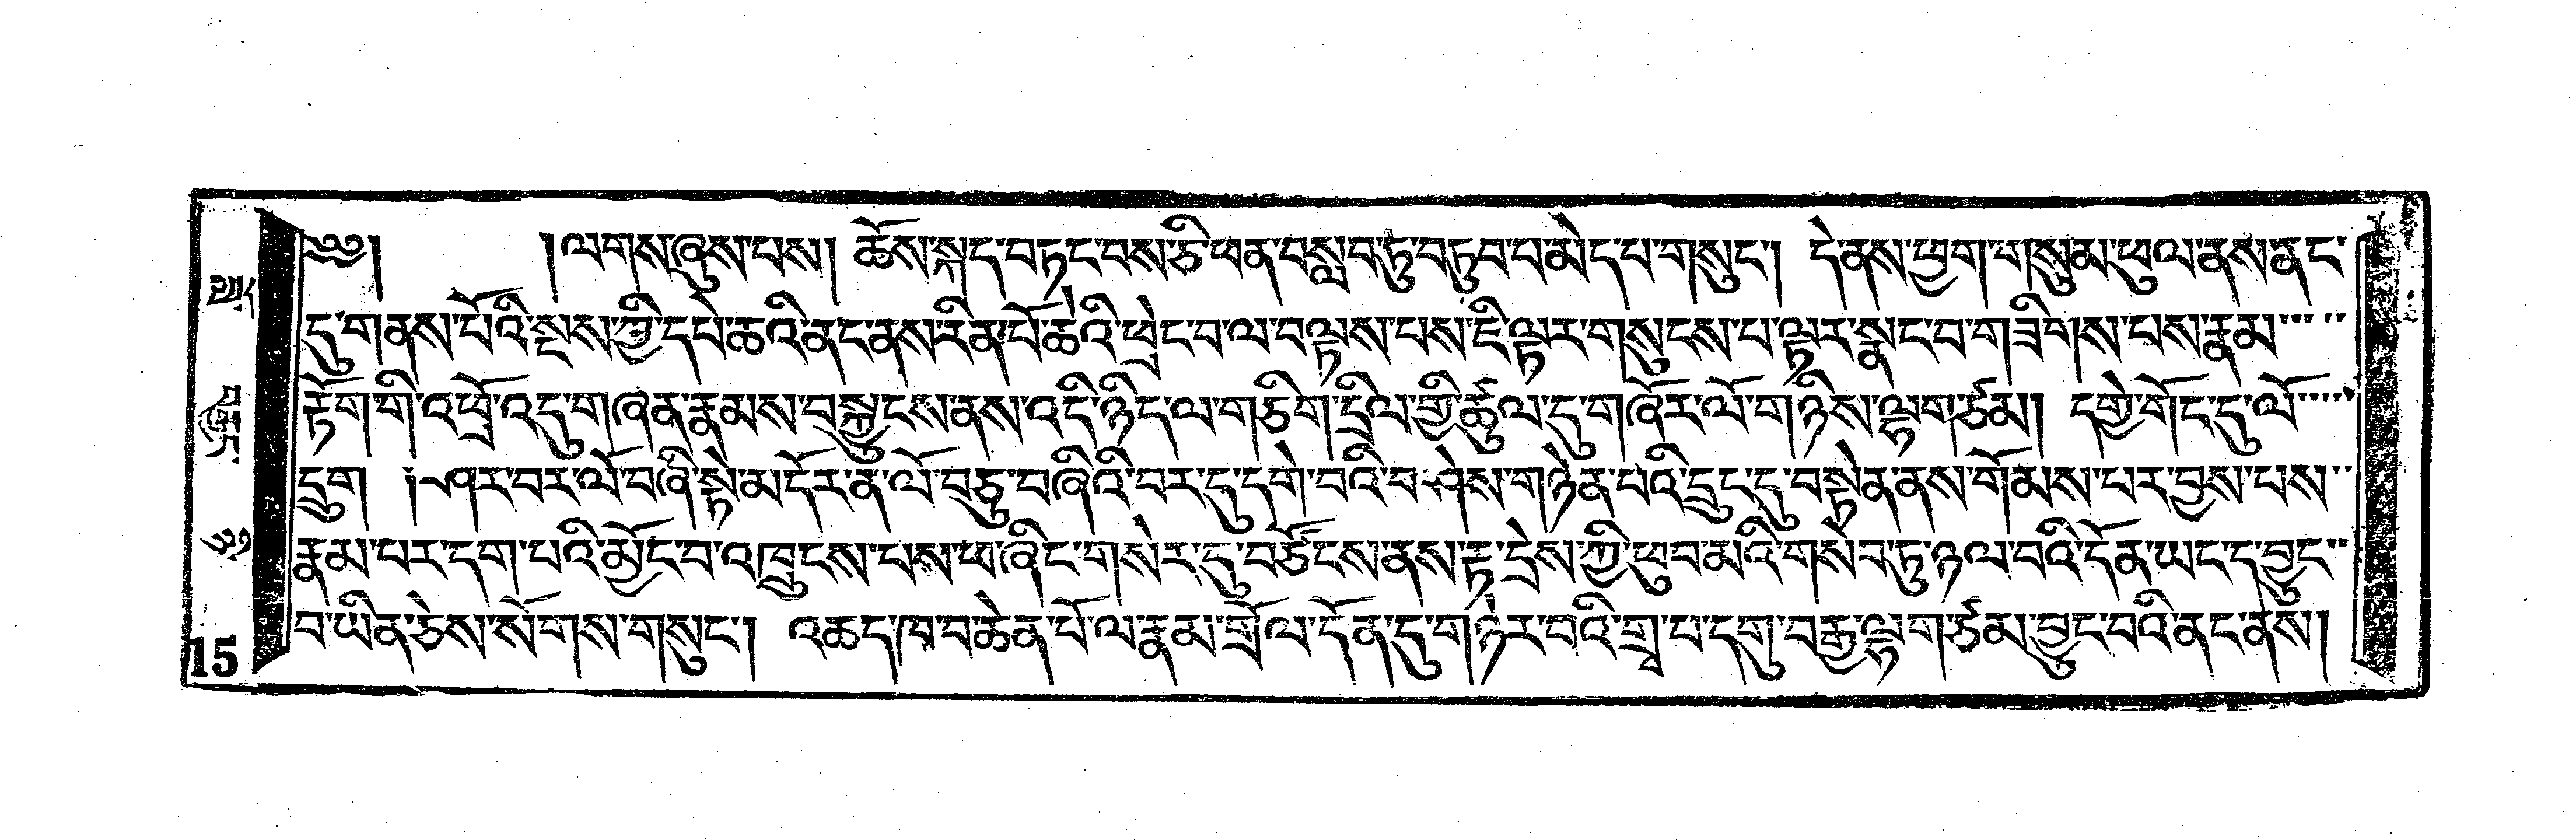༄༅། །ལགས་ཞུས་པས། ཆོས་སྐད་བཏང་བས་ཅི་ཕན་བསླབ་ཏུ་བཏུབ་པ་མེད་པ་གསུང་། དེ་ནས་ཕྱག་གསུམ་ཕུལ་ནས་ནང་
དུ་གནས་པོའི་སྔས་ཀྱི་དཔེ་ཆའི་ནང་ནས་རིན་པོ་ཆེའི་ཕྲེང་བ་ལ་བལྟས་པས་ཇི་ལྟར་གསུངས་པ་ལྟར་སྣང་བ་གཟིགས་པས་རྣམ་
རྟོག་གི་འཕྲོ་འདུ་གཞན་རྣམས་བསྐྱུངས་ནས་འདི་ཉིད་ལ་གཅིག་དྲིལ་གྱི་ཚུལ་དུ་གཞོར་ལོ་གཉིས་ལྷག་ཙམ། དགྱེ་གོང་དུ་ལོ་
དྲུག །ཤར་བར་ལོ་བཞི་སྟེ་མདོར་ན་ལོ་བཅུ་བཞིའི་བར་དུ་དགེ་བའི་བཤེས་གཉེན་པའི་དྲུང་དུ་བསྟེན་ནས་གོམས་པར་བྱས་པས་
རྣམ་པར་དག་པའི་མྱོང་བ་འཁྲུངས་པས་ཕ་ཞིང་གསེར་དུ་བཙོངས་ནས་རྟ་དྲེས་ཀྱི་ཕུབ་མའི་གསེབ་ཏུ་ཉལ་བའི་དོན་ཡང་དེ་?་བྱུང་
བ་ཡིན་ཅེས་སོགས་གསུང་། འཆད་ཁ་བ་ཆེན་པོ་ལ་རྣམ་གྲོལ་དོན་དུ་གཉེར་བའི་གྲྭ་པ་དགུ་བརྒྱ་ལྷག་ཙམ་བྱུང་བའི་ནང་ནས།